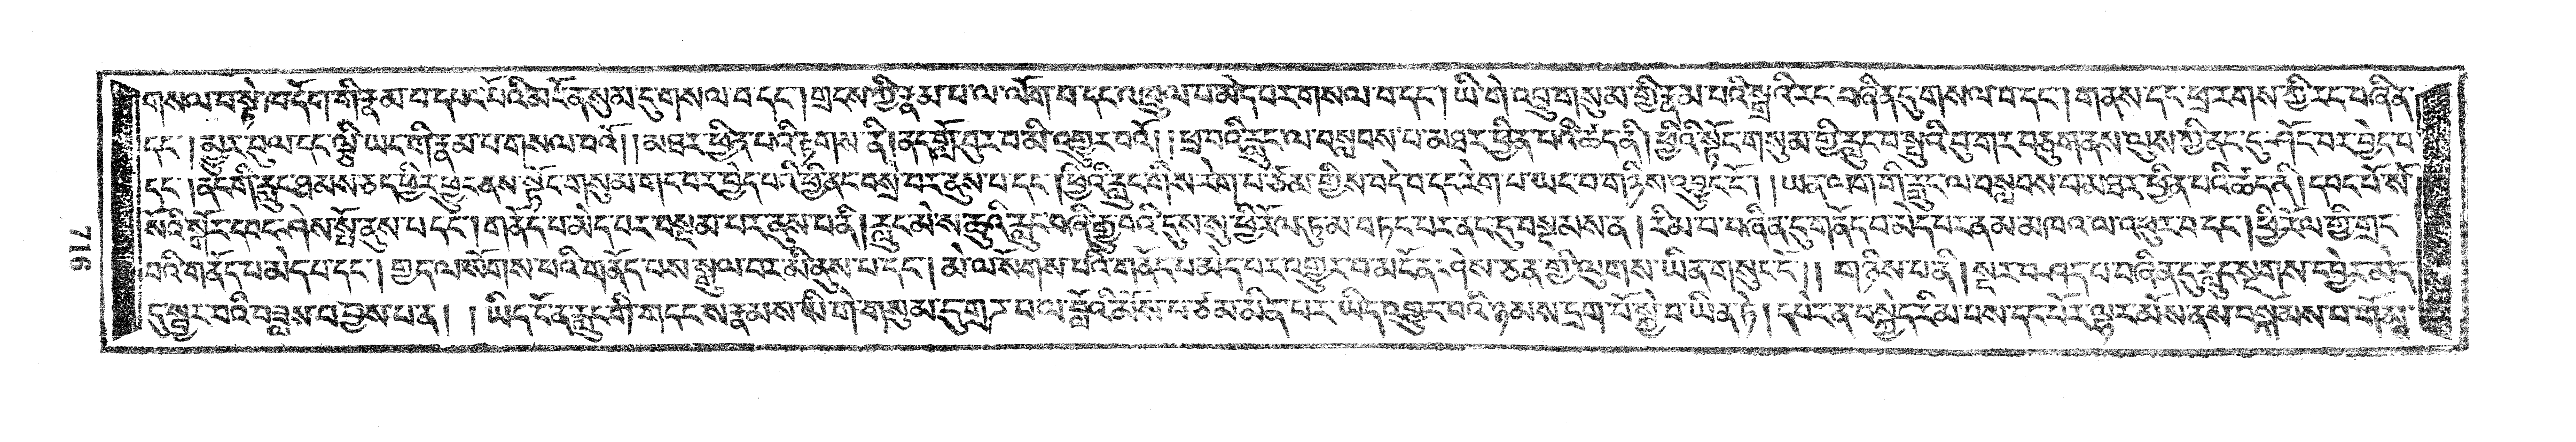གསལ་བ་སྟེ་ཁ་དོག་གི་རྣམ་པ་དབང་པོའི་མངོན་སུམ་དུ་གསལ་བ་དང་། གྲངས་ཀྱི་རྣམ་པ་ལ་ལོག་པ་དང་འཁྲུལ་པ་མེད་པར་གསལ་བ་དང་། ཡི་གེ་འབྲུ་གསུམ་གྱི་རྣམ་པའི་སྒྲའི་རང་བཞིན་དུ་གསལ་བ་དང་། གནས་དང་ཕྲ་རགས་ཀྱི་རང་བཞིན་
དང་། མྱུར་བུལ་དང་ལྕི་ཡང་གི་རྣམ་པ་གསལ་བའོ། །མཐར་ཕྱིན་པའི་རྟགས་ནི། ནད་གློ་བུར་བ་མི་འགྱུར་བའོ། །ཕྲ་བའི་རླུང་ལ་བསླབས་པ་མཐར་ཕྱིན་པའི་ཚད་ནི། ཕྱིའི་སྟོང་གསུམ་གྱི་རླུང་བ་སྤུའི་བུ་གར་བཅུག་ནས་ལུས་ཀྱི་ནང་དུ་ཤོང་བར་བྱེད་པ་
དང་། ནང་གི་རླུང་ཐམས་ཅད་ཕྱིར་ཕྱུང་ནས་སྟོང་གསུམ་གང་བར་བྱེད་པའི་ཕྱི་ནང་བསྲེ་བར་ནུས་པ་དང་། ཕྱིའི་རླུང་གིས་རེག་པ་ཙམ་གྱིས་བདེ་བ་དང་རེག་པ་ཡང་བ་གཉིས་འབྱུང་ངོ། །ཡན་ལག་གི་རླུང་ལ་བསླབས་པ་མཐར་ཕྱིན་པའི་ཚད་ནི། དབང་པོ་སོ་
སོའི་སྒོར་དབང་ཤེས་སྤོ་ནུས་པ་དང་། གནོད་པ་མེད་པར་བསྡམ་པར་ནུས་པ་ནི། རླུང་མེ་ས་ཆུའི་རླུང་བཞི་རྒྱུ་བའི་དུས་སུ་ཕྱི་རོལ་ཏུ་མ་བཏང་པར་ནང་དུ་བསྡམས་ན། རིམ་པ་བཞིན་དུ་གནོད་པ་མེད་པར་ནམ་མཁའ་ལ་འཕུར་བ་དང་། ཕྱི་རོལ་གྱི་གྲང་
བའི་གནོད་པ་མེད་པ་དང་། གྱད་ལ་སོགས་པའི་གནོད་པས་སྒུལ་བར་མི་ནུས་པ་དང་། མེ་ལ་སོགས་པའི་གནོད་པ་མེད་པར་འགྱུར་བ་མངོན་ཤེས་ཅན་གྱི་ལུགས་ཡིན་གསུང་ངོ། །གཉིས་པ་ནི། སྔར་བཤད་པ་བཞིན་དུ་རླུང་སྔགས་དབྱེར་མེད་
དུ་སྦྱར་བའི་བཟླས་པ་བྱས་པ་ན། །ཡིད་ངོ་ན་རླུང་གི་གདངས་རྣམས་ཡི་གེ་གསུམ་དུ་གྲགས་པ་ལ་བློའི་མོས་པ་ཙམ་མིན་པར་ཡིད་འགྱུར་བའི་ཉམས་དྲག་པོ་སྐྱེ་བ་ཡིན་ཏེ། དཔེར་ན་བསྐྱེད་རིམ་པས་དང་པོར་ལྷར་མོས་ནས་བསྒོམས་པ་གོམས་